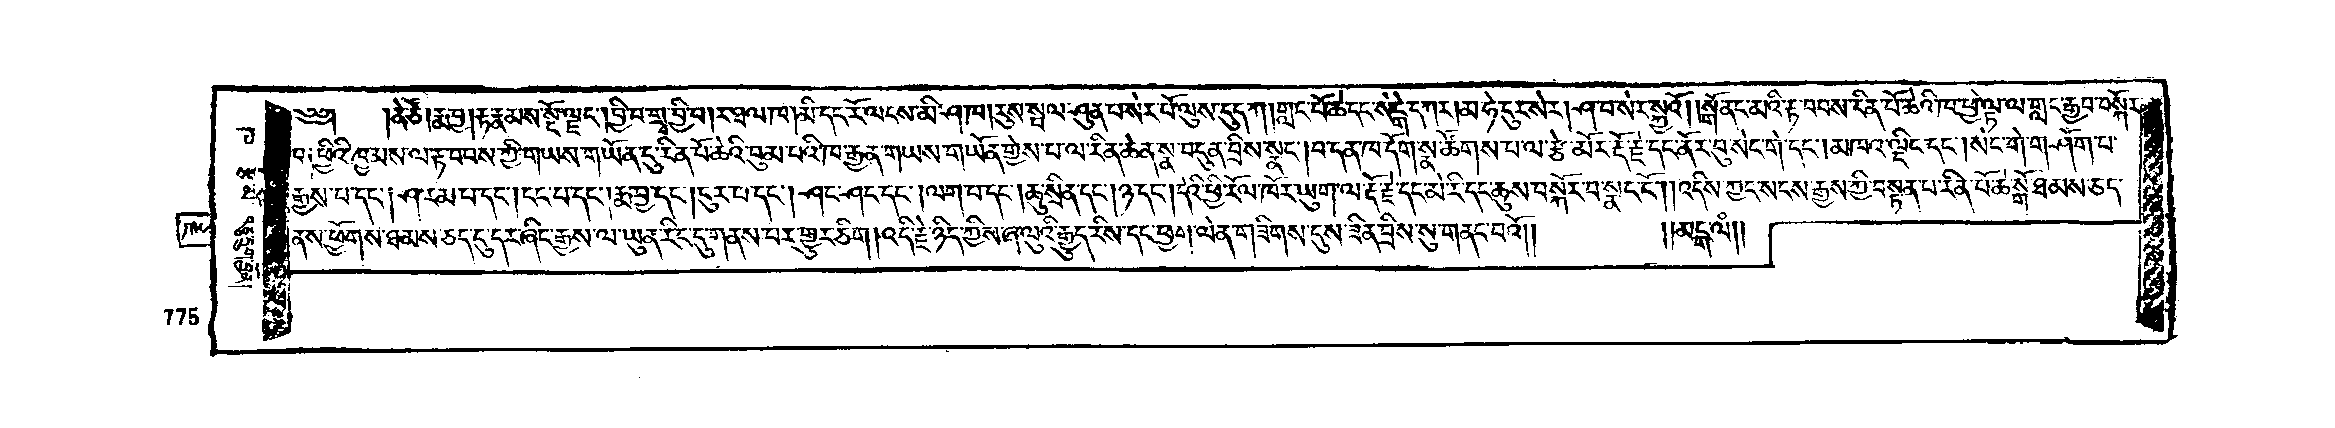༄༅། །ནི་ཙི། རྨ་བྱ། རྟ་རྣམས་སྔོ་ལྗང་། བྱི་བ་གྲྭ་བྱི་པ། ར་ཐལ་ཁ་མི་དང་རོ་ལངས་མི་ཤ་ཁ། རུས་སྦལ་ཤུན་པ་སེར་པོ་ལུས་དུད་ཀ། གླང་པོ་ཆེ་དང་སེངྒེ་དཀར། མ་ཧེ་དུར་སེར། ཤ་བ་སེར་སྐྱའོ། །སྒོ་ནང་མའི་རྟ་བབས་རིན་པོ་ཆེའི་ཁ་ཕྱི་ལྟ་ལ་གླང་རྒྱབ་བསྐོར་
བ་ཕྱིའི་ཁྱམས་ལ་རྟ་བབས་ཀྱི་གཡས་གཡོན་དུ་རིན་པོ་ཆེའི་བུམ་པའི་ཁ་རྒྱན་གཡས་གཡོན་གྱེས་པ་ལ་རིན་ཆེན་སྣ་བདུན་བྲིས་སྣང་། བ་དན་ཁ་དོག་སྣ་ཚོགས་པ་ལ་རྩེ་མོར་རྡོ་རྗེ་དང་ནོར་བུ་སེང་གེ་དང་། མཁའ་ལྡིང་དང་། སེང་གེ་གཤོག་པ་
རྒྱས་པ་དང་། ཤ་རམ་པ་དང་། ངང་པ་དང་། རྨ་བྱ་དང་། ངུར་པ་དང་། ཤང་ཤང་དང་། ལག་པ་དང་། ཆུ་སྲིན་དང་། ཉ་དང་། དེའི་ཕྱི་རོལ་ཁོར་ཡུག་ལ་རྡོ་རྗེ་དང་མེ་རི་དང་ཆུས་བསྐོར་བ་སྣང་ངོ། །འདིས་ཀྱང་སངས་རྒྱས་ཀྱི་བསྟན་པ་རིན་པོ་ཆེ་སྒོ་ཐམས་ཅད་
ནས་ཕྱོགས་ཐམས་ཅད་དུ་དར་ཞིང་རྒྱས་ལ་ཡུན་རིང་དུ་གནས་པར་གྱུར་ཅིག །འདི་རྗེ་ཉིད་ཀྱིས་ཞ་ལུའི་རྒྱུད་རིས་དང་ཕྱག་ལེན་གཟིགས་དུས་ཟིན་བྲིས་སུ་གནང་བའོ།། །།མངྒ་ལཾ།།